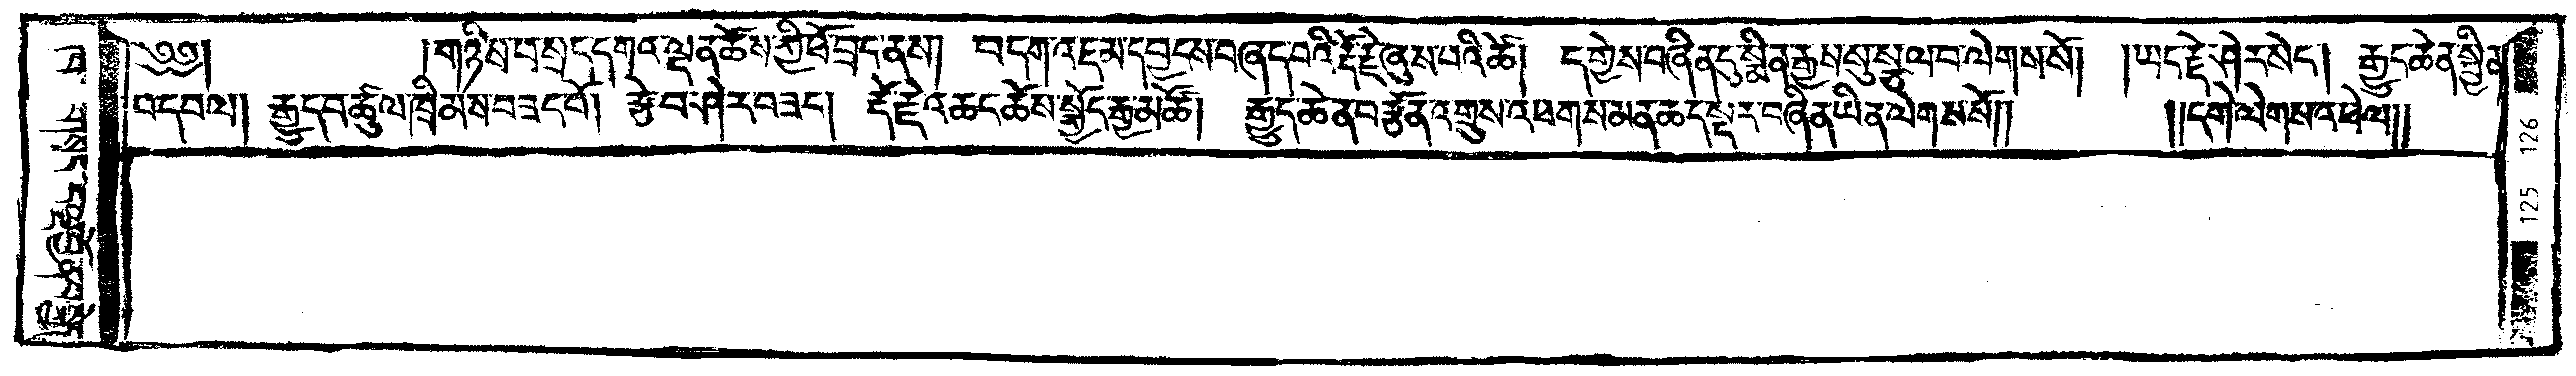༄༅། །གཉིས་བ་སྲད་དགའ་ལྡན་ཆོས་ཀྱི་ཐོ་བྲང་ནས། བདག་འཇམ་དབྱངས་བཞད་བའི་རྡོ་རྗེ་ཞུས་པའི་ཚེ། དགྱེས་བཞིན་དུ་སྨིན་རྒྱས་སུ་སྩལ་བ་ལེགས་སོ། །ཡང་རྗེ་ཤེར་སེང་། རྒྱུད་ཆེན་སྦྱིན་
འདབ་ལ། རྒྱུད་བ་ཚུལ་ཁྲིམས་བཟང་པོ། རྩེ་བ་ཤེར་བཟང་། རྡོ་རྗེ་འཆང་ཆོས་སྐྱོད་རྒྱ་མཚོ། རྒྱུད་ཆེན་བརྩོན་འགྲུས་འཕགས་མན་ཆད་སྔར་བཞིན་ཡིན་ལེགས་སོ།། །།དགེ་ལེགས་འཕེལ།།